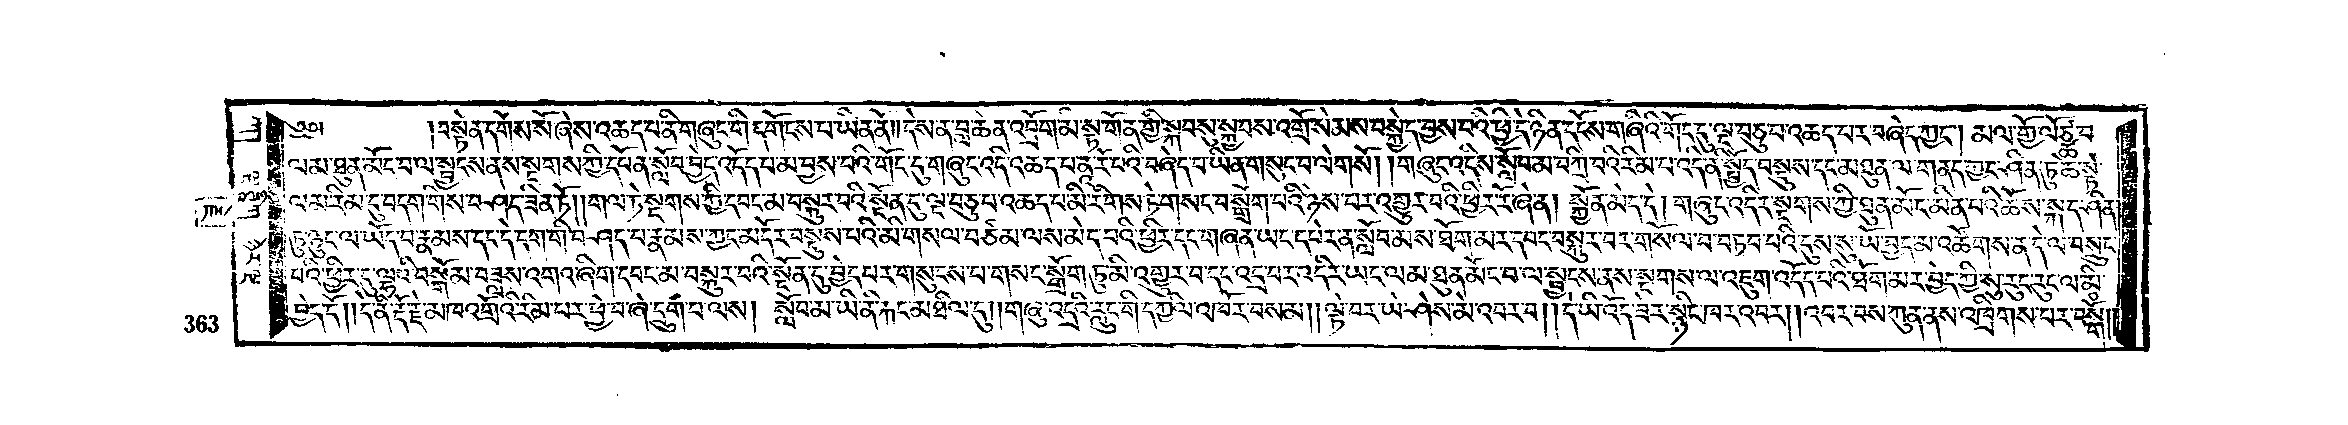༄༅། །བསྟེན་དགོས་སོ་ཞེས་འཆད་པ་ནི་གཞུང་གི་དགོངས་པ་ཡིན་ནོ། །དེས་ན་བླ་ཆེན་འབྲོག་མི་སྟ་གོན་གྱི་སྐབས་སུ་སྐྱབས་འགྲོ་སེམས་བསྐྱེད་བྱས་པའི་ཕྱི་དེ་ཉིན་དངོས་གཞིའི་གོང་དུ་ལྔ་བཅུ་པ་འཆད་པར་བཞེད་ཀྱང་། མལ་གྱོ་ལོཙྪ་བ་
ལམ་ཐུན་མོང་བ་ལ་སྦྱངས་ནས་སྔགས་ཀྱི་དཔོན་སློབ་བྱེད་འདོད་པ་མ་བྱས་པའི་གོང་དུ་གཞུང་འདི་འཆད་པ་ནཱ་རོ་པའི་བཞེད་པ་ཡིན་གསུང་བ་ལེགས་སོ། །གཞུང་འདིས་སློབ་མ་བཀྲི་བའི་རིམ་པ་འདི་ནི་སྤྱོད་བསྡུས་དང་མཐུན་ལ་གནད་ཀྱང་ཤིན་ཏུ་ཆེ་སྟེ་
ལམ་རིམ་དུ་བདག་གིས་བཤད་ཟིན་ཏོ། །གལ་ཏེ་སྔགས་ཀྱི་དབང་མ་བསྐུར་བའི་སྔོན་དུ་ལྔ་བཅུ་པ་འཆད་པ་མི་རིགས་ཏེ་གསང་བ་སྒྲོག་པའི་ཉེས་པར་འགྱུར་བའི་ཕྱིར་རོ་ཞེ་ན། སྐྱོན་མེད་དེ། གཞུང་འདིར་སྔགས་ཀྱི་ཐུན་མོང་མིན་པའི་ཆོས་སྐད་ཤིན་
ཏུ་ཉུང་ལ་ཡོད་པ་རྣམས་དང་དེ་དག་གི་བཤད་པ་རྣམས་ཀྱང་མདོར་བསྡུས་པའི་མི་གསལ་བ་ཙམ་ལས་མེད་པའི་ཕྱིར་དང་གཞན་ཡང་དཔེར་ན་སློབ་མས་ཐོག་མར་དབང་བསྐུར་བར་གསོལ་བ་བཏབ་པའི་དུས་སུ་ཡོ་བྱད་མ་འཚོགས་ན་དེ་ལ་བསྲུང་
པའི་ཕྱིར་དུ་ལྷའི་བསྒོམ་བཟླས་འགའ་ཞིག་དབང་མ་བསྐུར་བའི་སྔོན་དུ་བྱེད་པར་གསུངས་པ་གསང་སྒྲོག་ཏུ་མི་འགྱུར་བ་དང་འདྲ་བར་འདིར་ཡང་ལམ་ཐུན་མོང་བ་ལ་སྦྱངས་ནས་སྔགས་ལ་འཇུག་འདོད་པའི་ཐོག་མར་བྱེད་ཀྱི་སུ་རུང་རུང་ལ་མི་
བྱེད་དོ། །དེ་ནི་རྡོ་རྗེ་མཁའ་འགྲོའི་རིམ་པར་ཕྱེ་བ་ཞེ་དྲུག་པ་ལས། སློབ་མ་ཡི་ནི་རྐང་མཐིལ་དུ། །གཞུ་འདྲའི་རླུང་གི་དཀྱིལ་འཁོར་བསམ། །ལྟེ་བར་ཡེ་ཤེས་མེ་འབར་བ། །དེ་ཡི་འོད་ཟེར་སྙིང་ཁར་འབར། །འབར་བས་ཀུན་ནས་འཁྲིགས་པར་བསྒོཾ།།